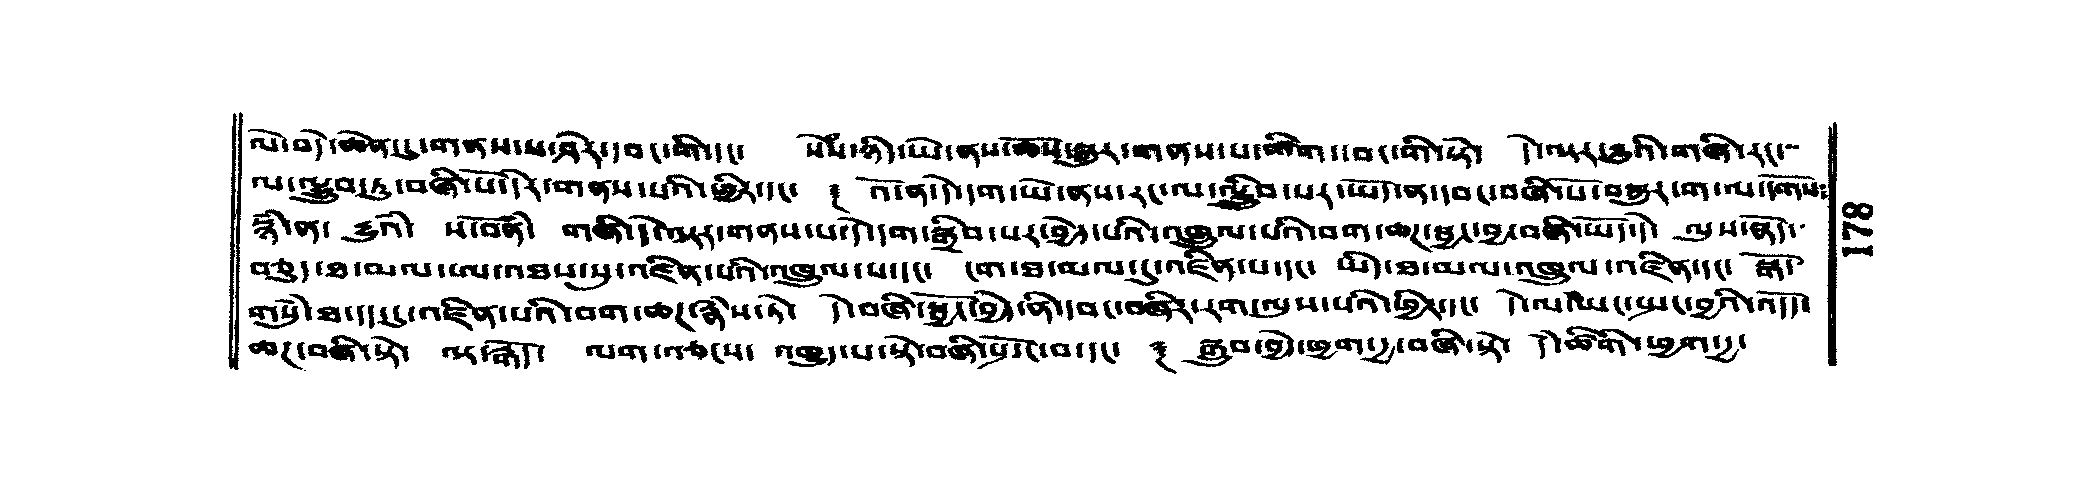ལེ་བདེ་ཆེན་དུ་གནས་པ་ཤེར་དབང་གི་དང་། སེམས་ཉིད་ཡེ་ནས་ཆོས་སྐུར་གནས་པ་ཚིག་དབང་གི་སྟེ། དེ་ལྟར་རྒྱུའི་གཞི་རང་
ལ་ལྷུན་གྲུབ་ཏུ་བཞི་པོ་དེར་གནས་པའི་ཕྱིར་དང་།འོ་ན་དེ་དག་ཡེ་ནས་རང་ལ་ལྷུན་གྱིས་གྲུབ་པར་ཡོད་ན་དབང་བཞི་པོ་བསྐུར་ག་ལ་དགོས་
སྙམ་ན། རྒྱུའམ། ས་བོན་ནམ། གཞི་དེ་ལྟར་གནས་པ་དེ་དག་སྒྲིབ་པར་བྱེད་པའི་འཁྲུལ་པའི་བག་ཆགས་སྦྱང་བྱ་བཞི་ཡོད་དེ། ལུས་སྣོད་
བཅུད་ཐ་མལ་ཨ་འཐས་སུ་འཛིན་པའི་འཁྲུལ་པ་དང་། ངག་ཐ་མལ་དུ་འཛིན་པ་དང་། ཡིད་ཐ་མལ་འཁྲུལ་འཛིན་དང་། སྒོ་
གསུམ་ཐ་དད་དུ་འཛིན་པའི་བག་ཆགས་རྣམས་ཏེ། དེ་བཞི་སྦྱོང་བྱེད་ནི་དབང་བཞིར་རག་ལུས་པའི་ཕྱིར་དང་། དེ་ལ་ཡང་སྤང་བྱའི་འདོད་
ཆགས་བཞི་སྟེ། ལྟ་རྒོད། ལག་བཅངས། འཁྱུད་པ་སྟེ་བཞི་སྤོང་བ་དང་། སྒྲུབ་བྱེད་ཕྱག་རྒྱ་བཞི་སྟེ། དམ་ཚིག་གི་ཕྱག་རྒྱ།